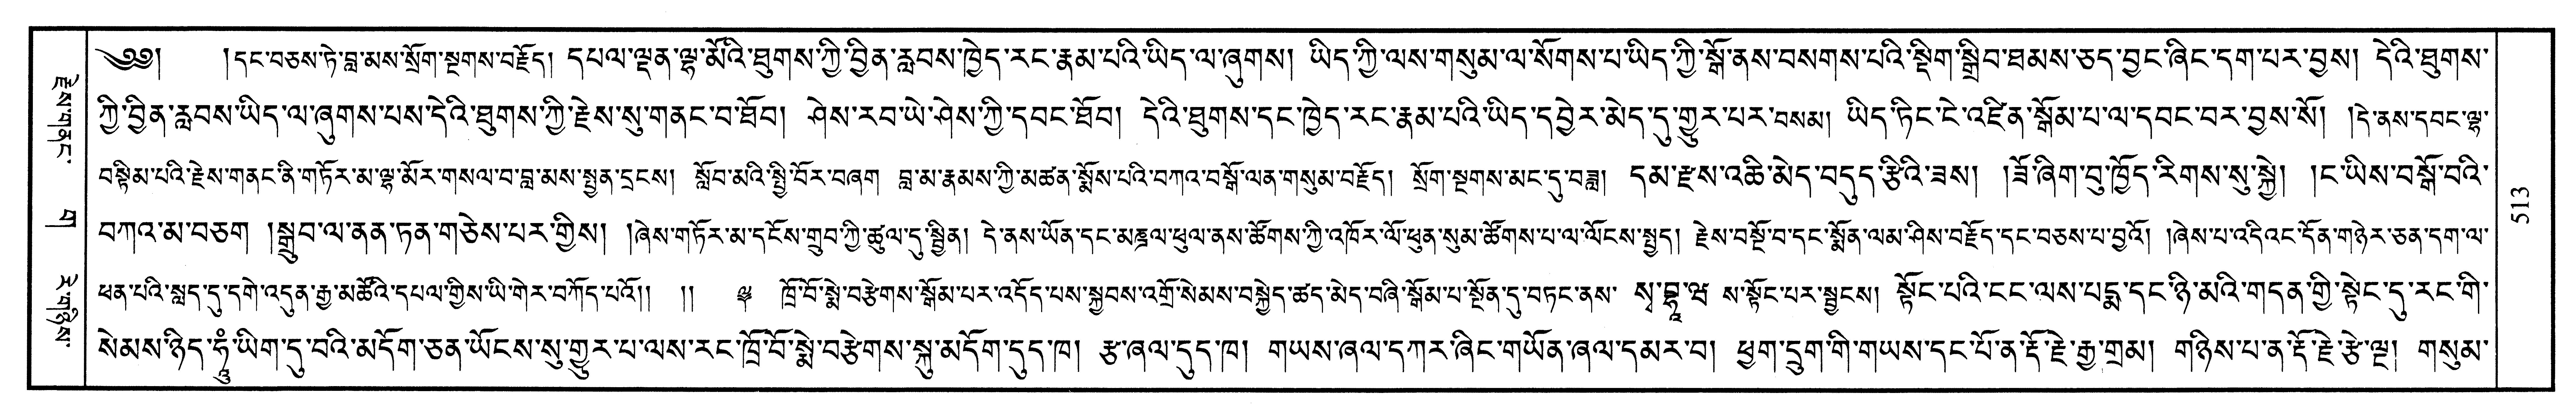༄༅། །དང་བཅས་ཏེ་བླ་མས་སྲོག་སྔགས་བརྗོད། དཔལ་ལྡན་ལྷ་མོའི་ཐུགས་ཀྱི་བྱིན་རླབས་ཁྱེད་རང་རྣམ་པའི་ཡིད་ལ་ཞུགས། ཡིད་ཀྱི་ལས་གསུམ་ལ་སོགས་པ་ཡིད་ཀྱི་སྒོ་ནས་བསགས་པའི་སྡིག་སྒྲིབ་ཐམས་ཅད་བྱང་ཞིང་དག་པར་བྱས། དེའི་ཐུགས་
ཀྱི་བྱིན་རླབས་ཡིད་ལ་ཞུགས་པས་དེའི་ཐུགས་ཀྱི་རྗེས་སུ་གནང་བ་ཐོབ། ཤེས་རབ་ཡེ་ཤེས་ཀྱི་དབང་ཐོབ། དེའི་ཐུགས་དང་ཁྱེད་རང་རྣམ་པའི་ཡིད་དབྱེར་མེད་དུ་གྱུར་པར་བསམ། ཡིད་ཏིང་ངེ་འཛིན་སྒོམ་པ་ལ་དབང་བར་བྱས་སོ། །དེ་ནས་དབང་ལྷ་
བསྟིམ་པའི་རྗེས་གནང་ནི་གཏོར་མ་ལྷ་མོར་གསལ་བ་བླ་མས་སྤྱན་དྲངས། སློབ་མའི་སྤྱི་བོར་བཞག་བླ་མ་རྣམས་ཀྱི་མཚན་སྨོས་པའི་བཀའ་བསྒོ་ལན་གསུམ་བརྗོད། སྲོག་སྔགས་མང་དུ་བཟླ། དམ་རྫས་འཆི་མེད་བདུད་རྩིའི་ཟས། །ཟོ་ཞིག་བུ་ཁྱོད་རིགས་སུ་སྐྱེ། །ང་ཡིས་བསྒོ་བའི་
བཀའ་མ་བཅག །སྒྲུབ་ལ་ནན་ཏན་གཅེས་པར་གྱིས། །ཞེས་གཏོར་མ་དངོས་གྲུབ་ཀྱི་ཚུལ་དུ་སྦྱིན། དེ་ནས་ཡོན་དང་མཎྜལ་ཕུལ་ནས་ཚོགས་ཀྱི་འཁོར་ལོ་ཕུན་སུམ་ཚོགས་པ་ལ་ལོངས་སྤྱད། རྗེས་བསྔོ་བ་དང་སྨོན་ལམ་ཤིས་བརྗོད་དང་བཅས་པ་བྱའོ། །ཞེས་པ་འདིའང་དོན་གཉེར་ཅན་དག་ལ་
ཕན་པའི་སླད་དུ་དགེ་འདུན་རྒྱ་མཚོའི་དཔལ་གྱིས་ཡི་གེར་བཀོད་པའོ།། །། ༈ ཁྲོ་བོ་སྨེ་བརྩེགས་སྒོམ་པར་འདོད་པས་སྐྱབས་འགྲོ་སེམས་བསྐྱེད་ཚད་མེད་བཞི་སྒོམ་པ་སྔོན་དུ་བཏང་ནས་སྭ་བྷཱ་ཝ་ས་སྟོང་པར་སྦྱངས། སྟོང་པའི་ངང་ལས་པདམ་དང་ཉི་མའི་གདན་གྱི་སྟེང་དུ་རང་གི་
སེམས་ཉིད་ཧཱུཾ་ཡིག་དུ་བའི་མདོག་ཅན་ཡོངས་སུ་གྱུར་པ་ལས་རང་ཁྲོ་བོ་སྨེ་བརྩེགས་སྐུ་མདོག་དུད་ཁ། རྩ་ཞལ་དུད་ཁ། གཡས་ཞལ་དཀར་ཞིང་གཡོན་ཞལ་དམར་བ། ཕྱག་དྲུག་གི་གཡས་དང་པོ་ན་རྡོ་རྗེ་རྒྱ་གྲམ། གཉིས་པ་ན་རྡོ་རྗེ་རྩེ་ལྔ། གསུམ་